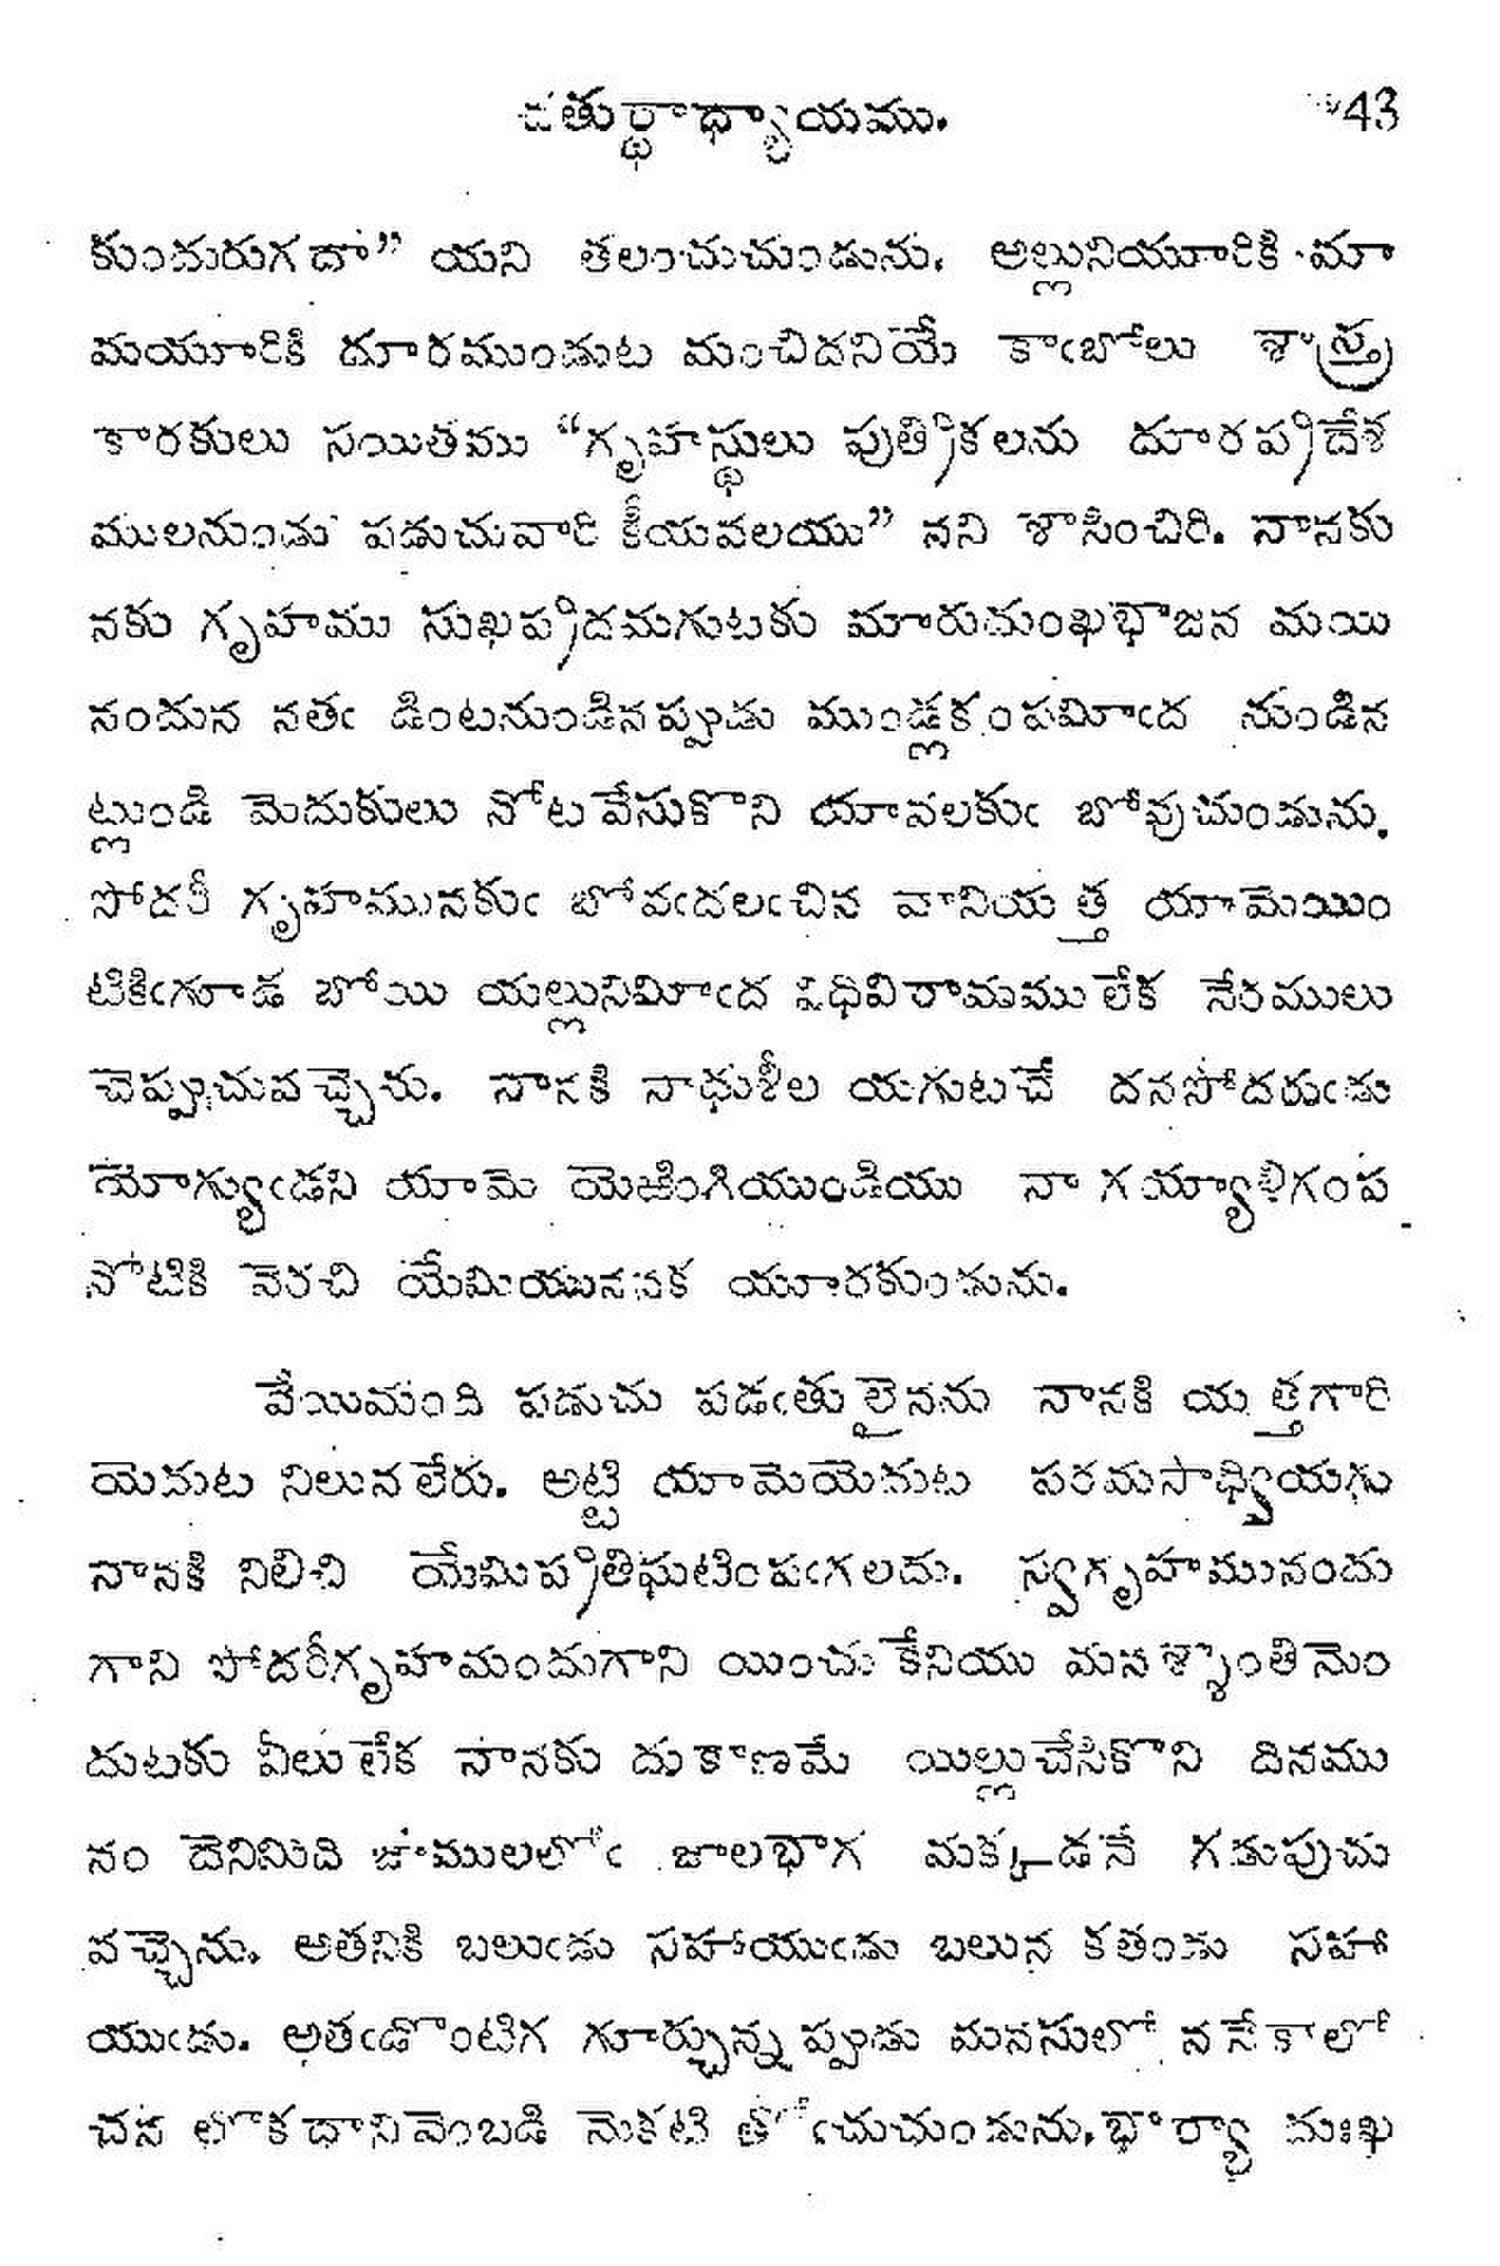కుందురుగదా" యని తలంచుచుండును. అల్లునియూరికి మామయూరికి దూరముండుట మంచిదనయే కాబోలు శాస్త్రకారకులు సయితము "గృహస్థులు పుత్రికలను దూరప్రదేశములనుండు పడుచువారి కీయవలయి"నని శాసించిరి. నానకునకు గృహము సుఖప్రదమగుటకు మారుదుంఖబాజన మయినందున నత డింటనుండినప్పుడు ముండ్లకంపమీద నుండినట్లుండి మెదుకులు నోటవేసుకొని యావలకు బోవుచుండును. సోదరీ గృహమునకు బోవదలచిన వానియత్త యామెయింటికిగూడ బోయి యల్లునిమీద విధివిరామము లేక నేరములు చెప్పుచువచ్చెను. నానకి సాధుశీల యగుటచే దనసోదరుడు యోగ్యుడని యామె యెఱింగియుండియు నా గయ్యాళిగంప నోటికి వెరచి యేమియుననక యూరకుండును.

వేయిమంది పడుచు పడతులైనను నానకి యత్తగారి యెదుట నిలువలేరు. అట్టి యామెయెదుట పరమసాధ్వియగు నానకి నిలిచి యేమిప్రతిఘటింపగలదు. స్వగృహమునందుగాని సోదరీగృహమందుగాని యించుకేనియు మనశ్శాంతినొందుటకు వీలులేక నానకు దుకాణమే యిల్లుచేసికొని దినమునం దెనిమిది జాములలో జాలభాగ మక్కడనే గడుపుచు వచ్చెను. అతనికి బలుడు సహాయుడు బలున కతండు సహాయుడు. అతడొంటిగ గూర్చున్నప్పుడు మనసులో ననేకాలోచన లొకదానివెంబడి నొకటి తోచుచుండును. భార్యా దు:ఖ